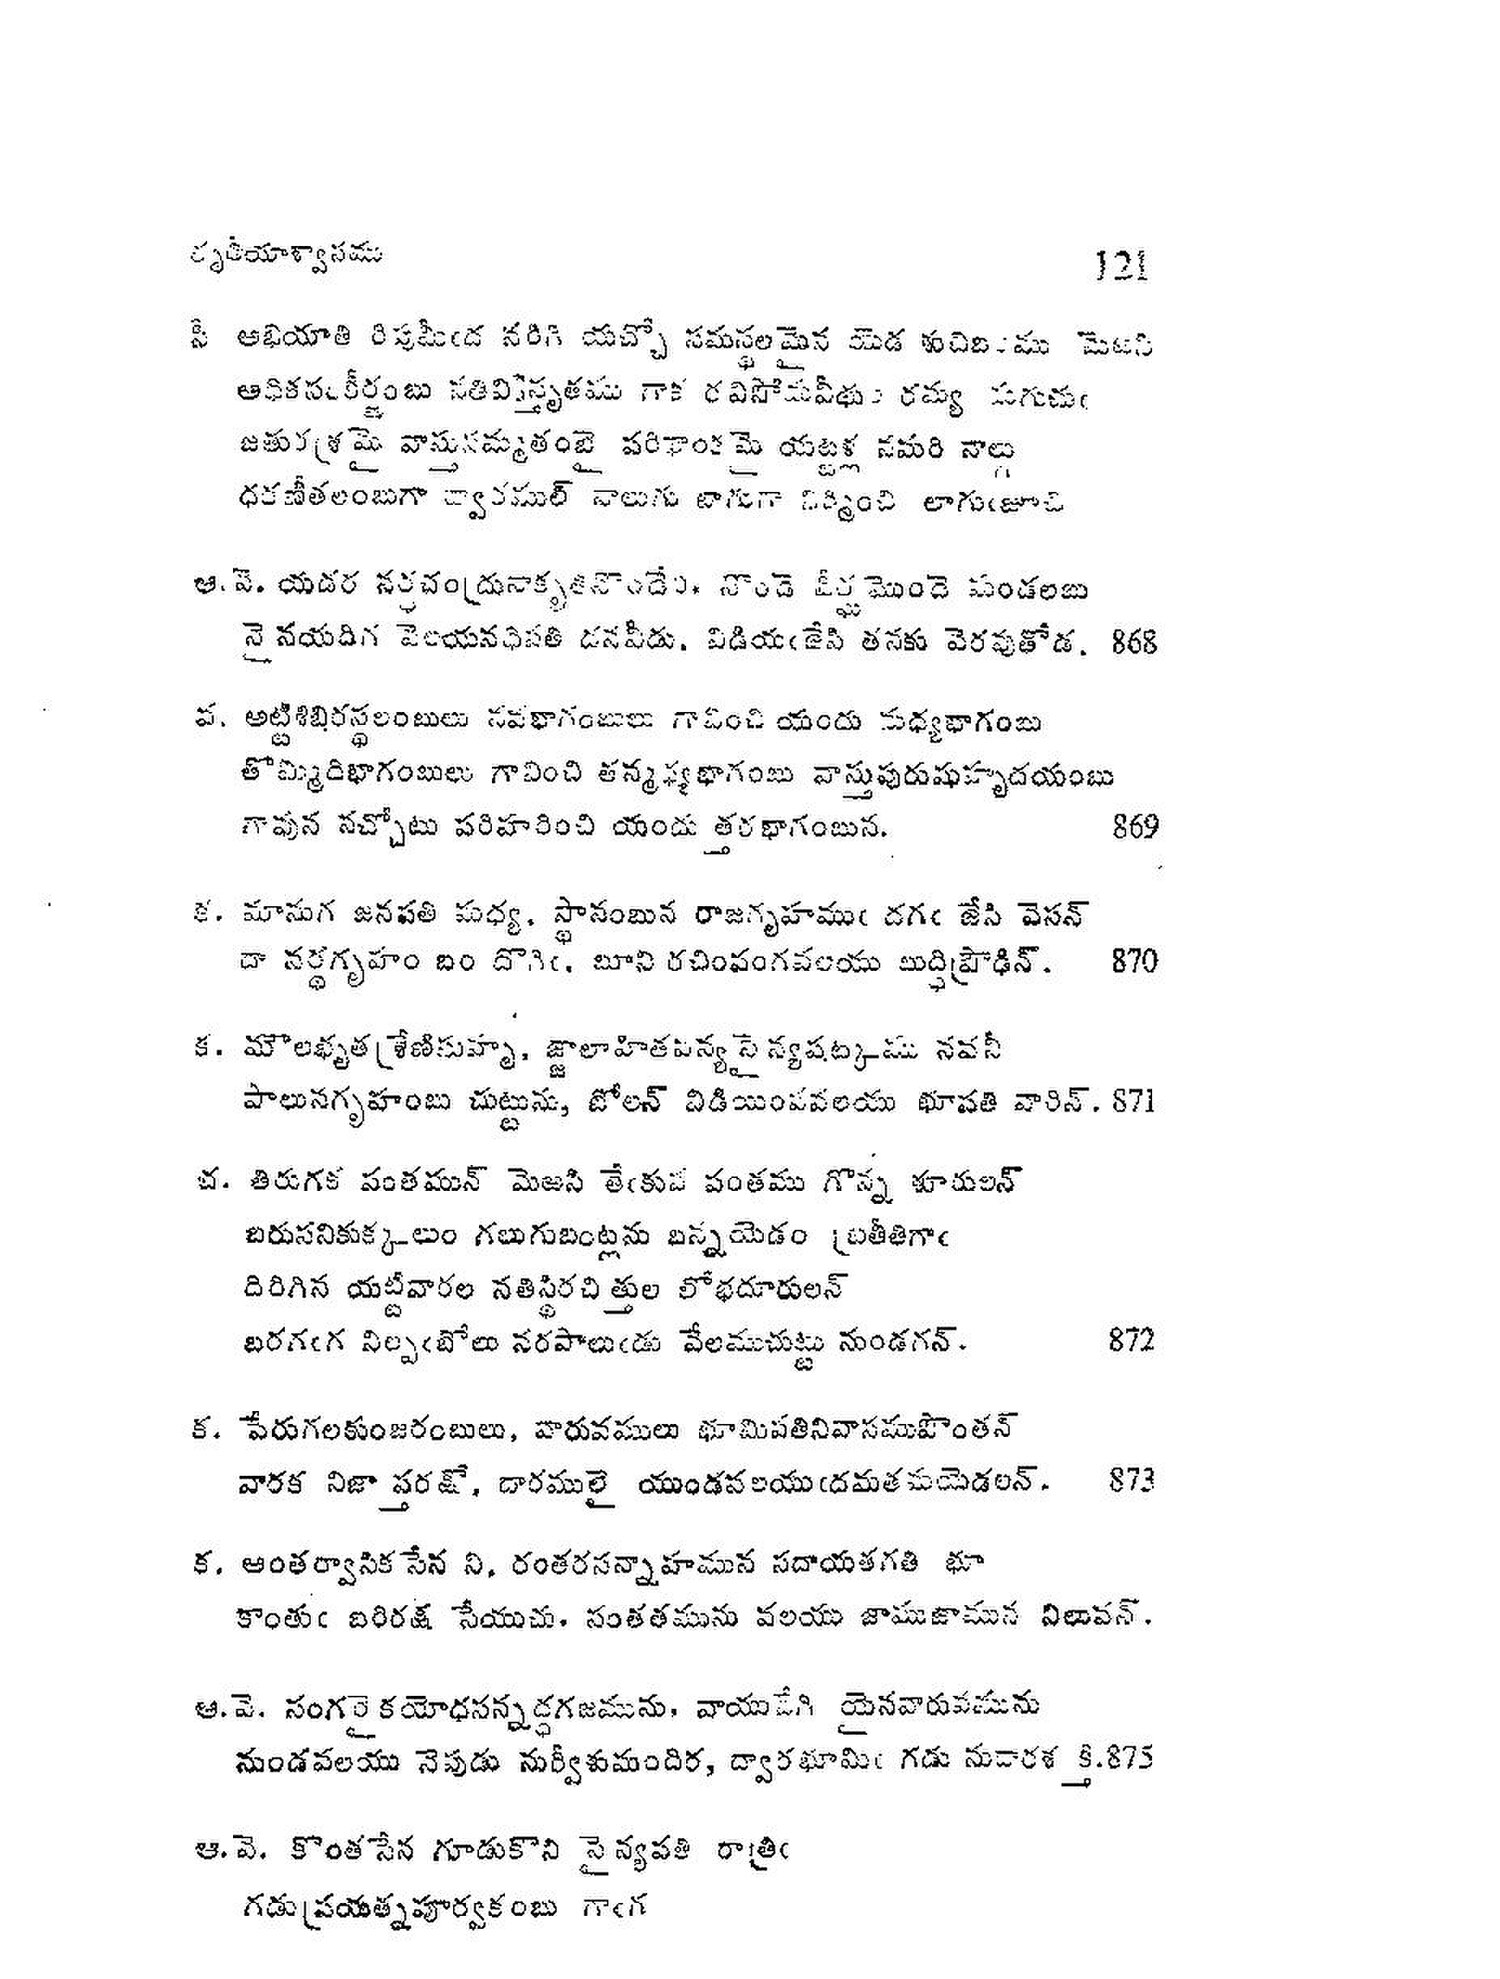సీ. అభియాతి రిపుమీఁద నరిగి యచ్చోసమ
స్థలమైన యెడ శుచిబలము మెఱసి
అధికసంకీర్ణంబు నతివిస్తృతము గాక
రవిసోమవీథుల రమ్య మగుచుఁ
జతురశ్రమై వాస్తుసమ్మతంబై పరి
ఖాంకమై యట్టళ్ళ నమరి నాల్గు
ధరణీతలంబుగా ద్వారముల్ నాలుగు
బాగుగా నిర్మించి లాగుఁ జూచి
ఆ. యడర నర్ధచంద్రునాకృతి నొండేని
నొండె దీర్ఘమొండె మండలంబు
నైనయదిగ వెలయనధిపతి దనవీడు
విడియఁజేసి తనకు వెరవుతోడ. 868

వ. అట్టిశిబిరస్థలంబులు నవభాగంబులు గావించి యందు మధ్యభాగంబు తొమ్మిదిభాగంబులు గావించి తన్మధ్యభాగంబు వాస్తుపురుషహృదయంబు గావున నచ్చోటు పరిహరించి యం దుత్తరభాగంబున. 869

క. మానుగ జనపతి మధ్య
స్థానంబున రాజగృహముఁ దగఁ జేసి వెసన్
దా నర్థగృహం బం దొగిఁ
బూని రచియింపగవలయు బుద్ధిప్రౌఢిన్. 970

క. మౌలభృతశ్రేణిసుహృ
జ్జాలాహితవన్యసైన్యషట్కము నవనీ
పాలునగృహంబు చుట్టును
బోలన్ విడియింపవలయు భూపతి వారిన్. 871

చ. తిరుగక పంతమున్ మెఱసి తేఁకున పంతము గొన్న శూరులున్
బరుసనికుక్కలుం గలుగుబంట్లను బన్నయెడం బ్రతీతిగాఁ
దిరిగిన యట్టివారల నతిస్థిరచిత్తుల లోభదూరులన్
బరగఁగ నిల్పఁబోలు నరపాలుఁడు వేలముచుట్టు నుండగన్. 872

క. పేరుగల కుంజరంబులు
వారువములు భూమిపతినివాసము పొంతన్
వారక నిజాప్తరక్షో
దారములై యుండవలయుఁ దమతమ యెడలన్. 873

క. అంతర్వాసికసేన ని
రంతరసన్నాహమున సదాయతగతి భూ
కాంతుఁ బరిరక్ష సేయుచు
సంతతమును వలయు జాముజామున నిలువన్. 874

ఆ. సంగరైకయోధసన్నద్ధగజమును
వాయువేగి యైనవారువమును
నుండవలయు నెపుడు నుర్వీశుమందిర
ద్వారభూమిఁ గడు నుదారశక్తి. 875

ఆ. కొంతసేన గూడుకొని సైన్యపతి రాత్రిఁ
గడుప్రయత్నపూర్వకంబు గాఁగ